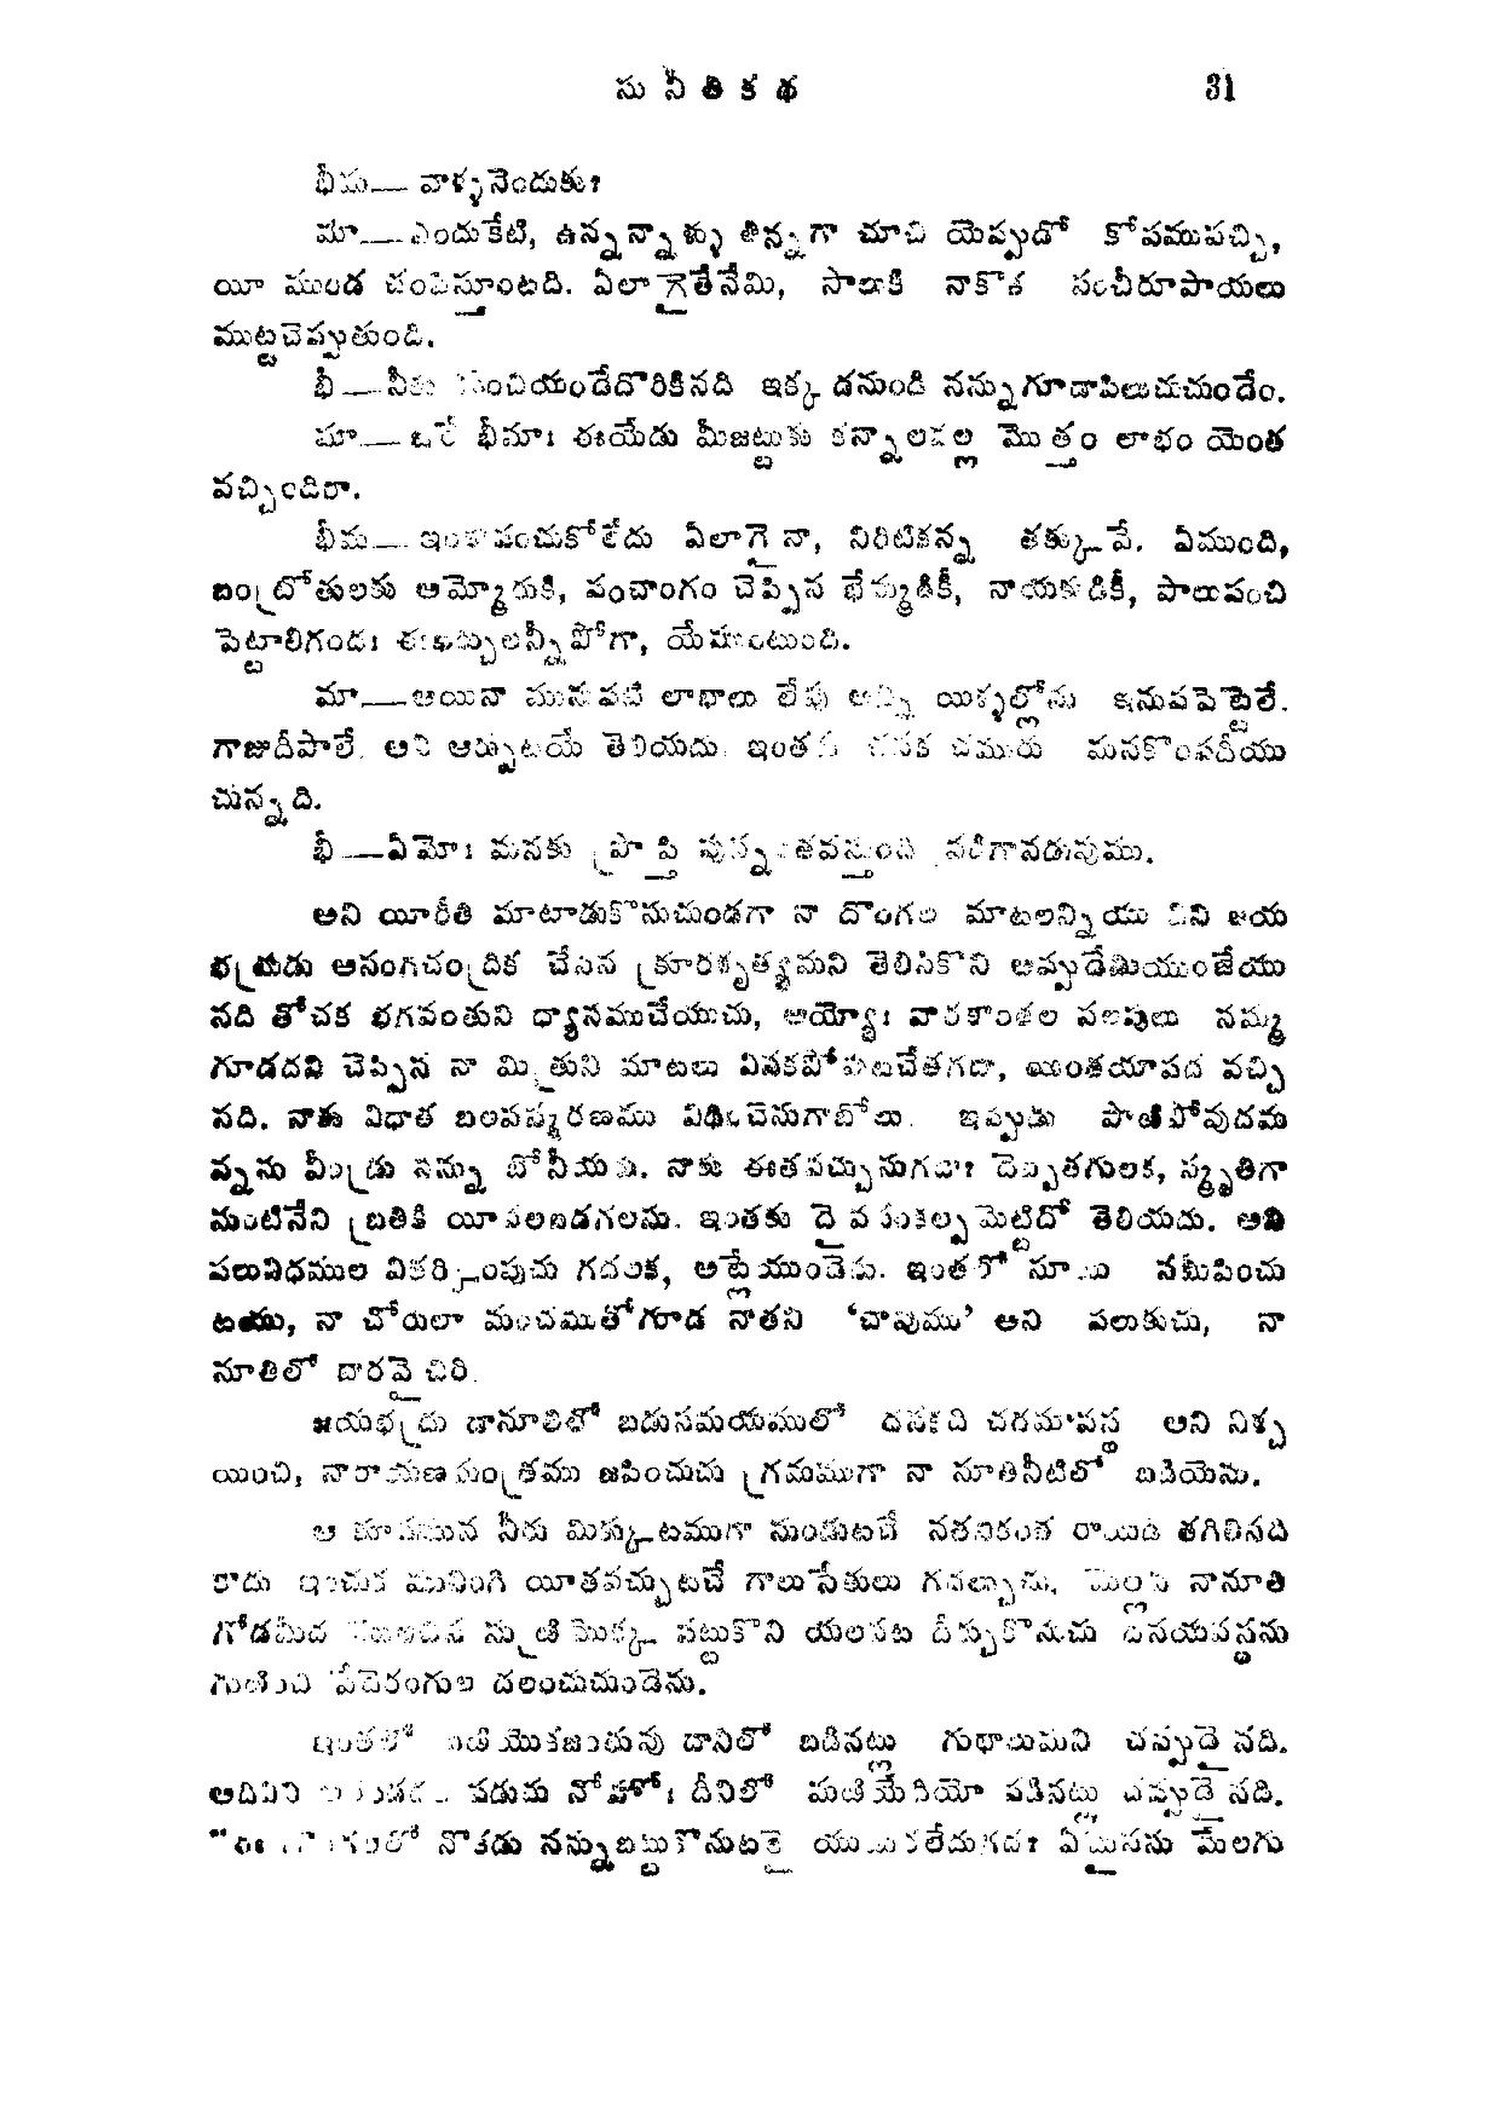భీమ - వాళ్ళనెందుకు ?

మా - ఎందుకేటి, ఉన్నన్నాళ్ళు తిన్నగా చూచి యెప్పుడో కోపము వచ్చి, యీ ముండ చంపిస్తూంటది. ఏలాగైతేనేమి, సాలుకి నా కొకసంచీరూపాయలు ముట్టచెప్పుతుంది.

భీ - నీకు మంచియండే దొరికినది ఇక్కడనుండి నన్నుగూడా పిలుచుచుండేం.

మా - ఒరే భీమా! ఈయేడు మీజట్టుకు కన్నాలవల్ల మొత్తం లాభం యెంత వచ్చిందిరా.

భీమ - ఇంకాపంచుకోలేదు ఏలాగైనా, నిరిటికన్న తక్కువే. ఏముంది, బంట్రోతులకు అమ్మోరుకి, పంచాంగం చెప్పిన భేమ్మడికీ, నాయకుడికీ, పాలుపంచిపెట్టాలిగంద! ఈఖర్చులన్నీ పోగా, యేముంటుంది.

మా - అయినా మునుపటి లాభాలు లేవు . అన్ని యిళ్ళల్లోను ఇనుపపెట్టెలే. గాజుదీపాలే అవి ఆర్పుటయే తెలియదు. ఇంతకు చవక చమురు మనకొంపదీయు చున్నది.

భీ - ఏమో! మనకు ప్రాప్తి వున్నంతవస్తుంది. సరిగా నడువుము.

అని యీరీతి మాటాడుకొనుచుండగా నా దొంగల మాటలన్నియు విని జయభద్రుడు అనంగచంద్రిక చేసిన క్రూరకృత్యమని తెలిసికొని అప్పు డేమియుంజేయునది తోచక భగవంతుని ధ్యానముచేయుచు, ఆయ్యో! వారకాంతల వలపులు నమ్మగూడదవి చెప్పిన నా మిత్రుని మాటలు వినకపోవుటచేతగదా, యింతయాపద వచ్చినది. నాకు విధాత బలవన్మరణము విధించెనుగాబోలు. ఇప్పుడు పాఱిపోవుదమన్నను వీండ్రు నన్ను బోనీయరు. నాకు ఈతవచ్చునుగదా? దెబ్బతగులక, స్మృతిగా
నుంటినేని బ్రతికి యీవలబడగలను. ఇంతకు దైవసంకల్ప మెట్టిదో తెలియదు. అని పలువిధముల వితర్కింపుచు గదలక, అట్లేయుండెను. ఇంతలో నూయి సమీపించుటయు, నా చోరులా మంచముతోగూడ నాతని 'చావుము ' అని పలుకుచు, నా నూతిలో బారవైచిరి.

జయభద్రు డానూతిలో బడుసమయములో దనకది చరమావస్త అని నిశ్చయించి, నారాయణ మంత్రము జపించుచు గ్రమముగా నా నూతినీటిలో బడియెను.

ఆ కూపమున నీరు మిక్కుటముగా నుండుటచే నతనికంత రాయిడి తగిలినది కాదు ఇంచుక మునింగి యీతవచ్చుటచే గాలుసేతులు గదల్చుచు, మెల్లన నానూతి గోడమీద మొలచిన మఱ్ఱిమొక్క. పట్టుకొని యలసట దీర్చుకొనుచు దనయవస్థను గుఱించి వేదెరంగుల దలంచుచుండెను.

ఇంతలో మఱియొకజంతువు దానిలో బడినట్లు గుభాలుమని చప్పుడైనది. అతండదరి పడుచు నోహో! దీనిలో మఱియేదియో పడినట్లు చప్పుడైనది. ఈదొంగలలో నొకడు నన్ను బట్టుకొనుటకై యఱుగలేదుగద? ఏమైనను మేలగు